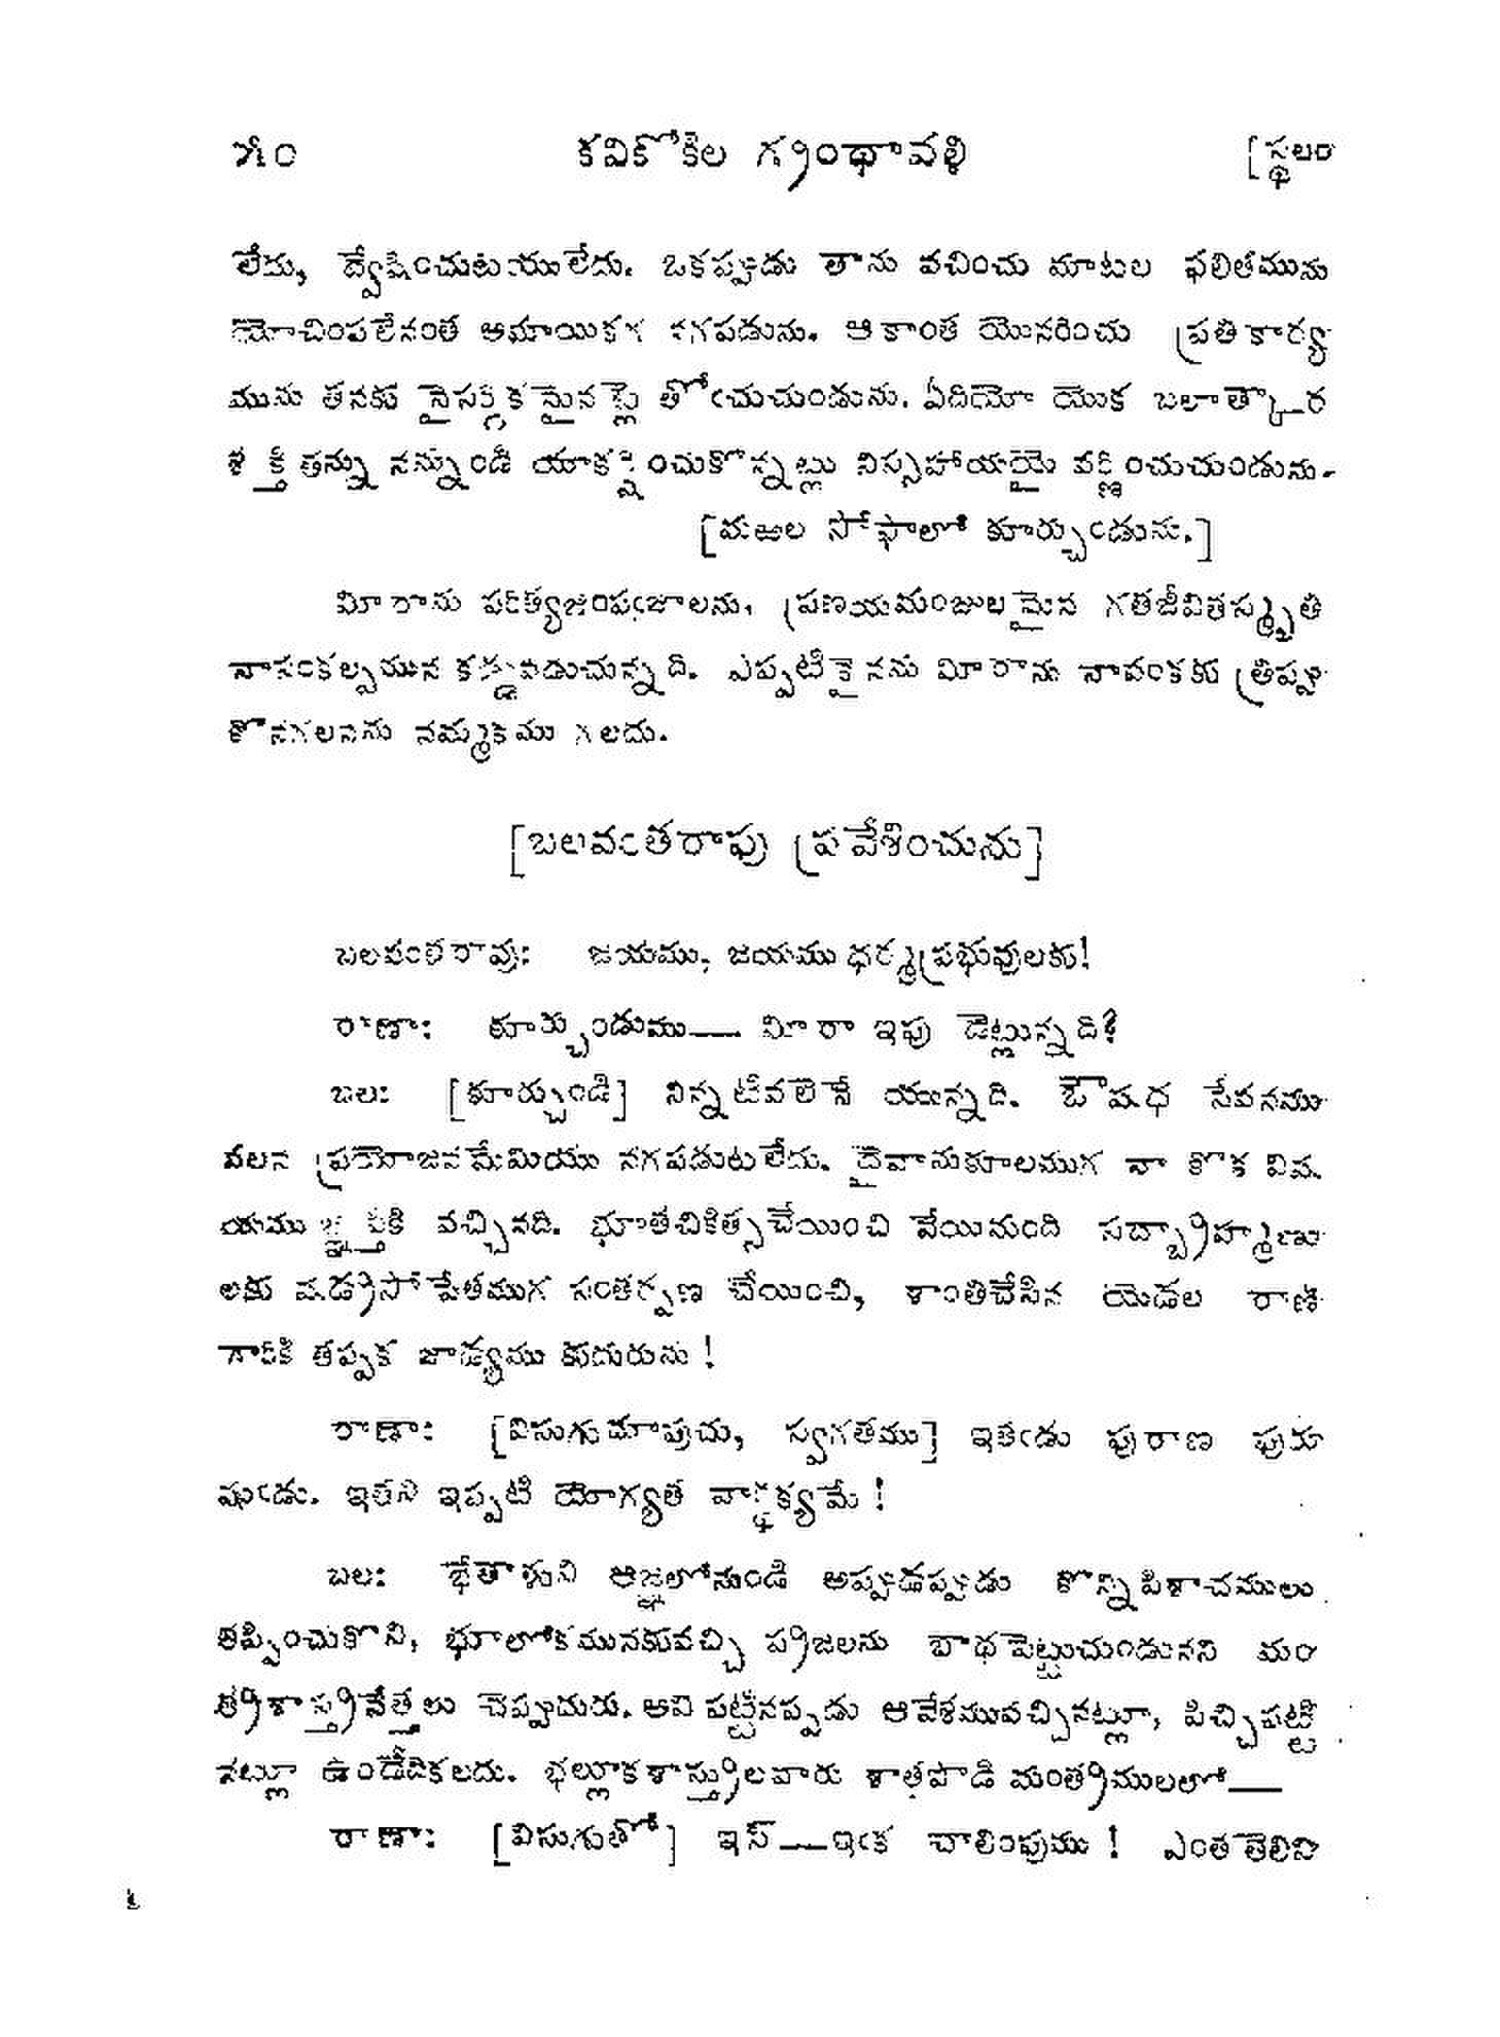లేదు, ద్వేషించుటయులేదు. ఒకప్పుడు తాను వంచించు మాటల ఫలితమును యోచింపలేనంత అమాయికగ నగపడును. ఆకాంత యొనరించు ప్రతికార్యమును తనకు నైసర్గికమైనట్లె తోఁచుచుండును. ఏదియో యొక బలాత్కార శక్తి తన్ను నన్నుండి యాకర్షించుకొన్నట్లు నిస్సహాయమై వర్ణించుచుండును. [మఱల సోఫాలో కూర్చుండును.]

మీరాను పరిత్యజింపఁజాలను. ప్రణయమంజులమైన గతజీవితస్మృతి నాసంకల్పమున కడ్డుపడుచున్నది. ఎప్పటికైనను మీరాను నావంకకు త్రిప్పుకొనగలనను నమ్మకము గలదు.

బలవంతరావు : జయము, జయము ధర్మప్రభువులకు!

రాణా : కూర్చుండుము - మీరా ఇపు డెట్లున్నది?

బల : [కూర్చుండి] నిన్నటివలెనే యున్నది. ఔషధ సేవనము వలన ప్రయోజనమేమియు నగపడుటలేదు. దైవానుకూలముగ నా కొక విషయము జ్ఞప్తికి వచ్చినది. భూతచికిత్స చేయించి వేయిమంది సద్భ్రాహ్మణులకు షడ్రసోపేతముగ సంతర్పణ చేయించి, శాంతిచేసిన యడల రాణిగారికి తప్పక జాడ్యము కుదురును !

రాణా : [విసుగుచూపుచు, స్వగతము] ఇతఁడు పురాణ పురుషుఁడు. ఇతని ఇప్పటి యోగ్యత వార్థక్యమే !

బల : భేతాళుని ఆజ్ఞలోనుండి అప్పుడప్పుడు కొన్నిపిశాచములు తప్పించుకొని, భూలోకమునకువచ్చి ప్రజలను బాధపెట్టుచుండునని మంత్రశాస్త్రవేత్తలు చెప్పుదురు. అవి పట్టినప్పుడు ఆవేశమునచ్చినట్లూ, పిచ్చిపట్టినట్లూ ఉండేదికలదు. భల్లూకశాస్త్రులవారు శాతపొడి మంత్రములలో -

రాణా : [విసుగుతో] ఇస్ - ఇఁక చాలింపుము ! ఎంతతెలివి